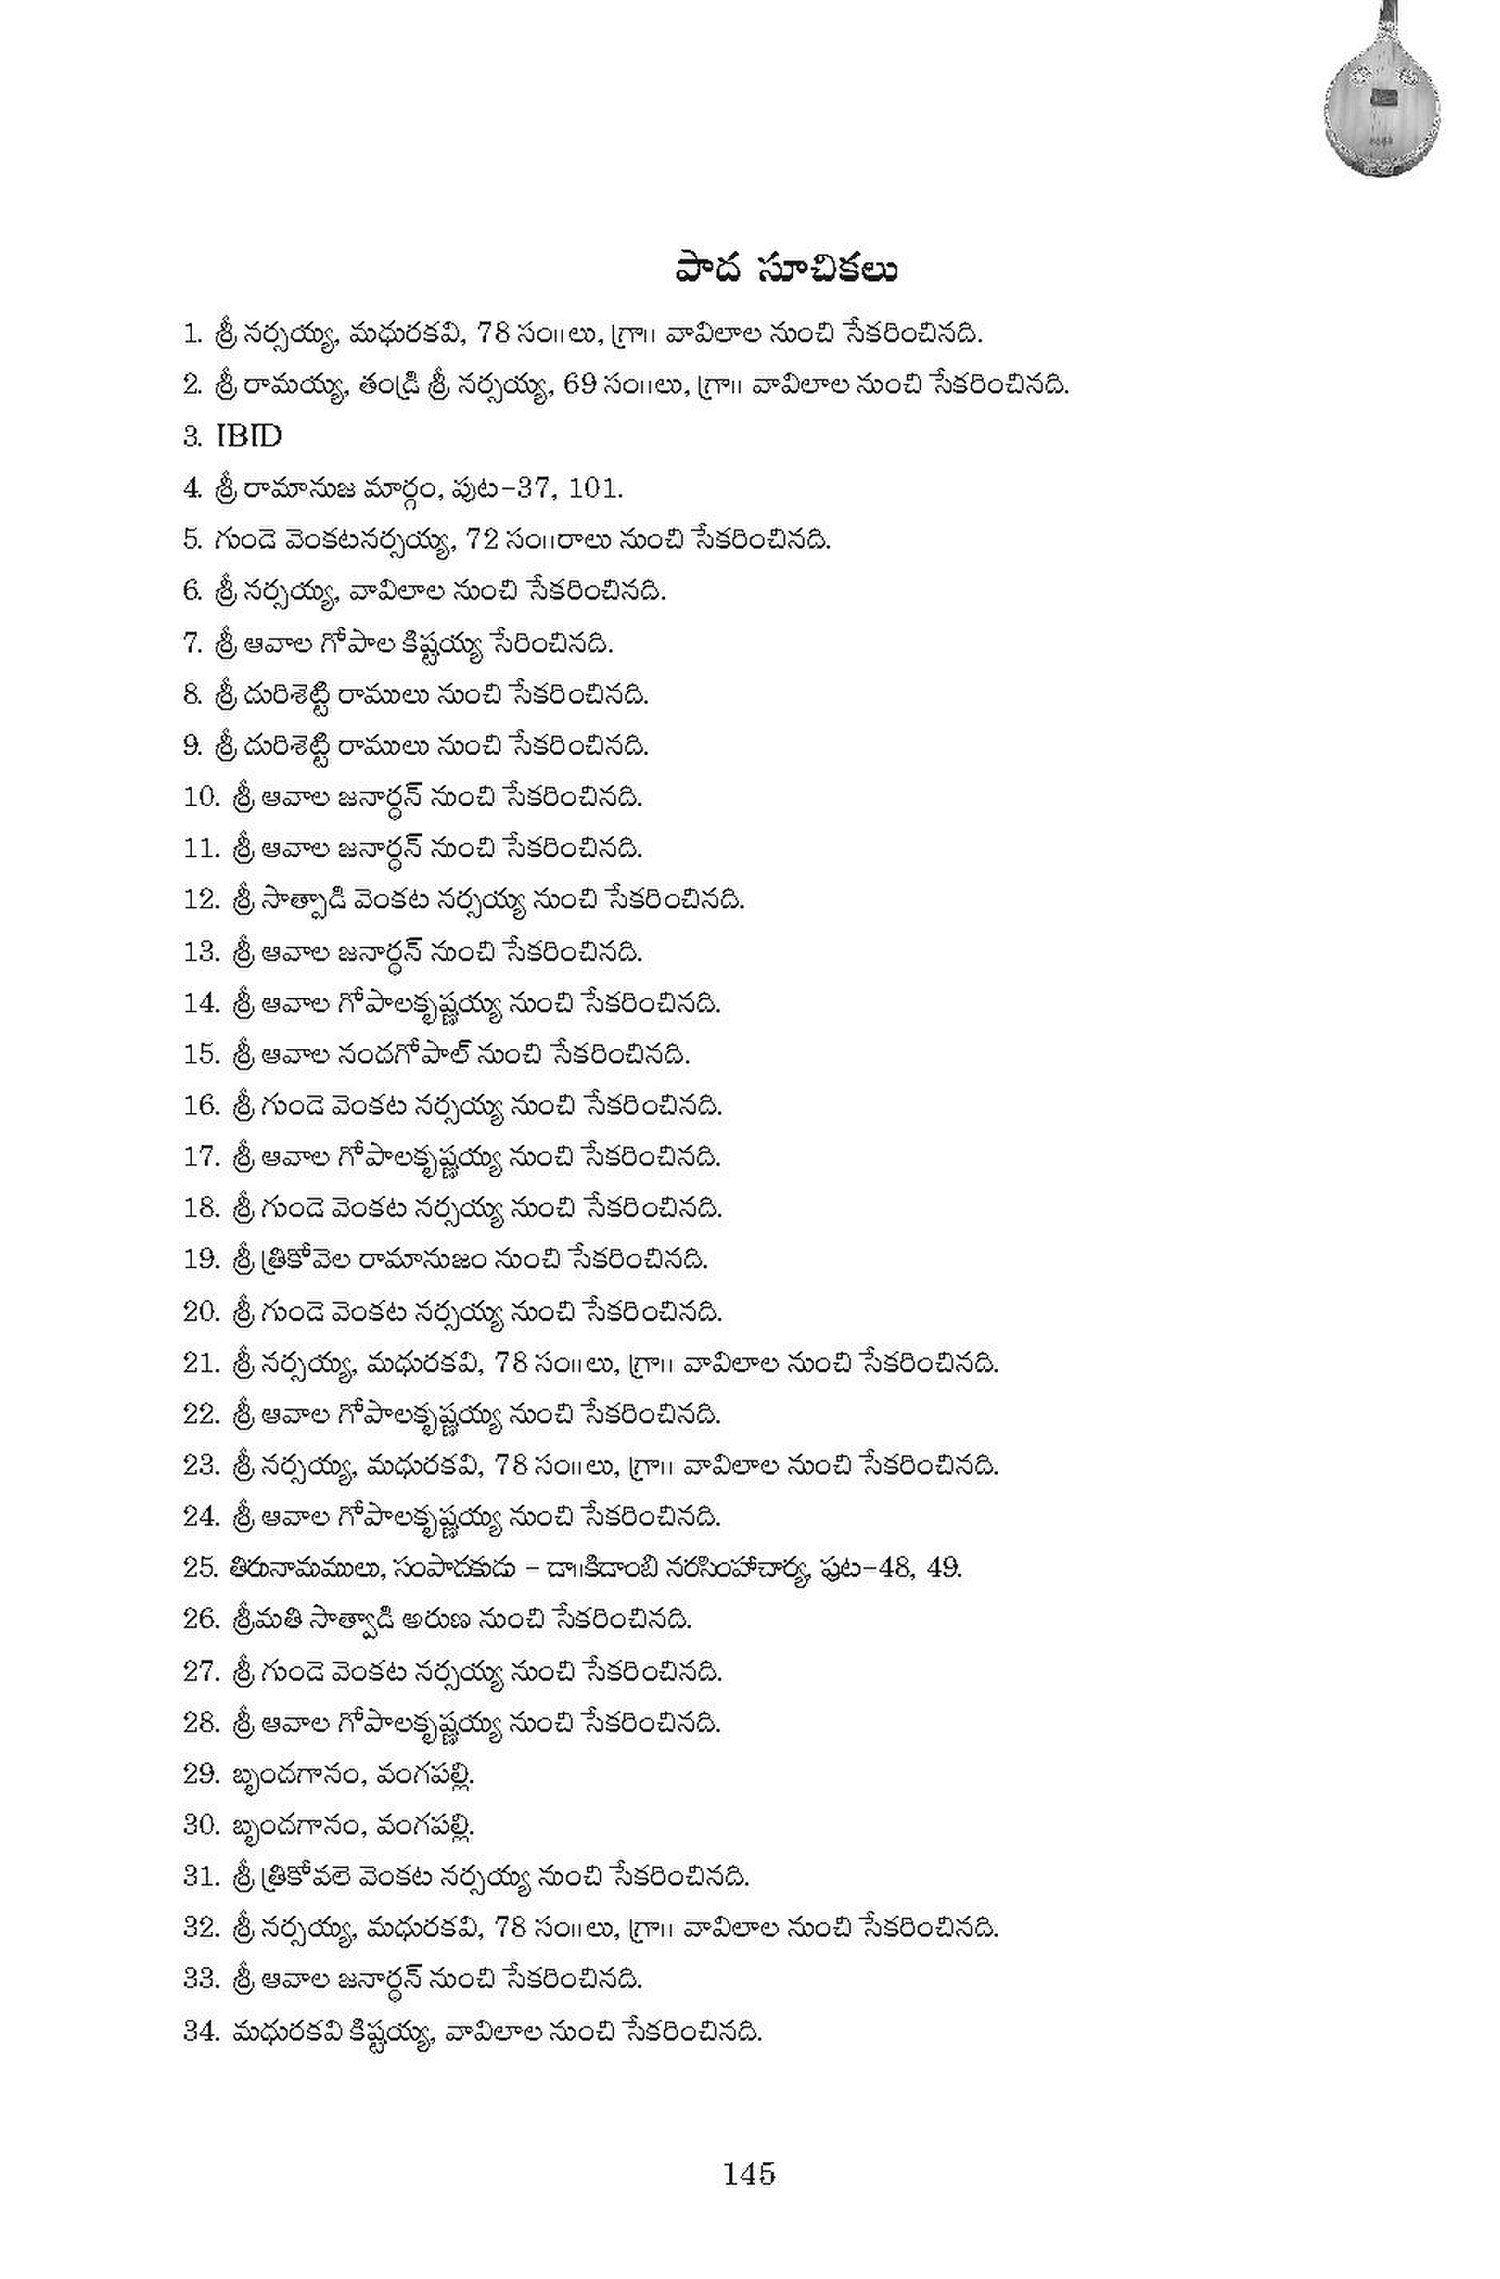1. శ్రీ నర్సయ్య, మధురకవి, 78 సం॥లు, గ్రా॥ వావిలాల నుంచి సేకరించినది.
2. శ్రీ రామయ్య, తండ్రి శ్రీ నర్సయ్య, 69సం||లు, గ్రా॥ వావిలాల నుంచి సేకరించినది.
3. IBID
4. శ్రీ రామానుజ మార్గం, పుట-37, 101.
5. గుండె వెంకటనర్సయ్య, 72 సం||రాలు నుంచి సేకరించినది.
6. శ్రీ నర్సయ్య, వావిలాల నుంచి సేకరించినది.
7. శ్రీ ఆవాల గోపాల కిష్టయ్య సేరించినది.
8. శ్రీ దురిశెట్టి రాములు నుంచి సేకరించినది.
9. శ్రీ దురిశెట్టి రాములు నుంచి సేకరించినది.
10. శ్రీ ఆవాల జనార్ధన్ నుంచి సేకరించినది.
11. శ్రీ ఆవాల జనార్దన్ నుంచి సేకరించినది.
12. శ్రీ సాత్పాడి వెంకట నర్సయ్య నుంచి సేకరించినది.
13. శ్రీ ఆవాల జనార్ధన్ నుంచి సేకరించినది.
14. శ్రీ ఆవాల గోపాలకృష్ణయ్య నుంచి సేకరించినది.
15. శ్రీ ఆవాల నందగోపాల్ నుంచి సేకరించినది.
16. శ్రీ గుండె వెంకట నర్సయ్య నుంచి సేకరించినది.
17. శ్రీ ఆవాల గోపాలకృష్ణయ్య నుంచి సేకరించినది.
18. శ్రీ గుండె వెంకట నర్సయ్య నుంచి సేకరించినది.
19. శ్రీ త్రికోవెల రామానుజం నుంచి సేకరించినది.
20. శ్రీ గుండె వెంకట నర్సయ్య నుంచి సేకరించినది.
21. శ్రీ నర్సయ్య, మధురకవి, 78 సం||లు, గ్రా॥ వావిలాల నుంచి సేకరించినది.
22. శ్రీ ఆవాల గోపాలకృష్ణయ్య నుంచి సేకరించినది.
23. శ్రీ నర్సయ్య, మధురకవి, 78 సం||లు, గ్రా॥ వావిలాల నుంచి సేకరించినది.
24. శ్రీ ఆవాల గోపాలకృష్ణయ్య నుంచి సేకరించినది.
25. తిరునామములు, సంపాదకుడు - డా॥కిడాంబి నరసింహాచార్య, పుట-48, 49.
26. శ్రీమతి సాత్వాడి అరుణ నుంచి సేకరించినది.
27. శ్రీ గుండె వెంకట నర్సయ్య నుంచి సేకరించినది.
28. శ్రీ ఆవాల గోపాలకృష్ణయ్య నుంచి సేకరించినది.
29. బృందగానం, వంగపల్లి.
30. బృందగానం, వంగపల్లి.
31. శ్రీ త్రికోవలె వెంకట నర్సయ్య నుంచి సేకరించినది.
32. శ్రీ నర్సయ్య, మధురకవి, 78 సం॥లు, గ్రా॥ వావిలాల నుంచి సేకరించినది.
33. శ్రీ ఆవాల జనార్ధన్ నుంచి సేకరించినది.
34. మధురకవి కిష్టయ్య, వావిలాల నుంచి సేకరించినది.